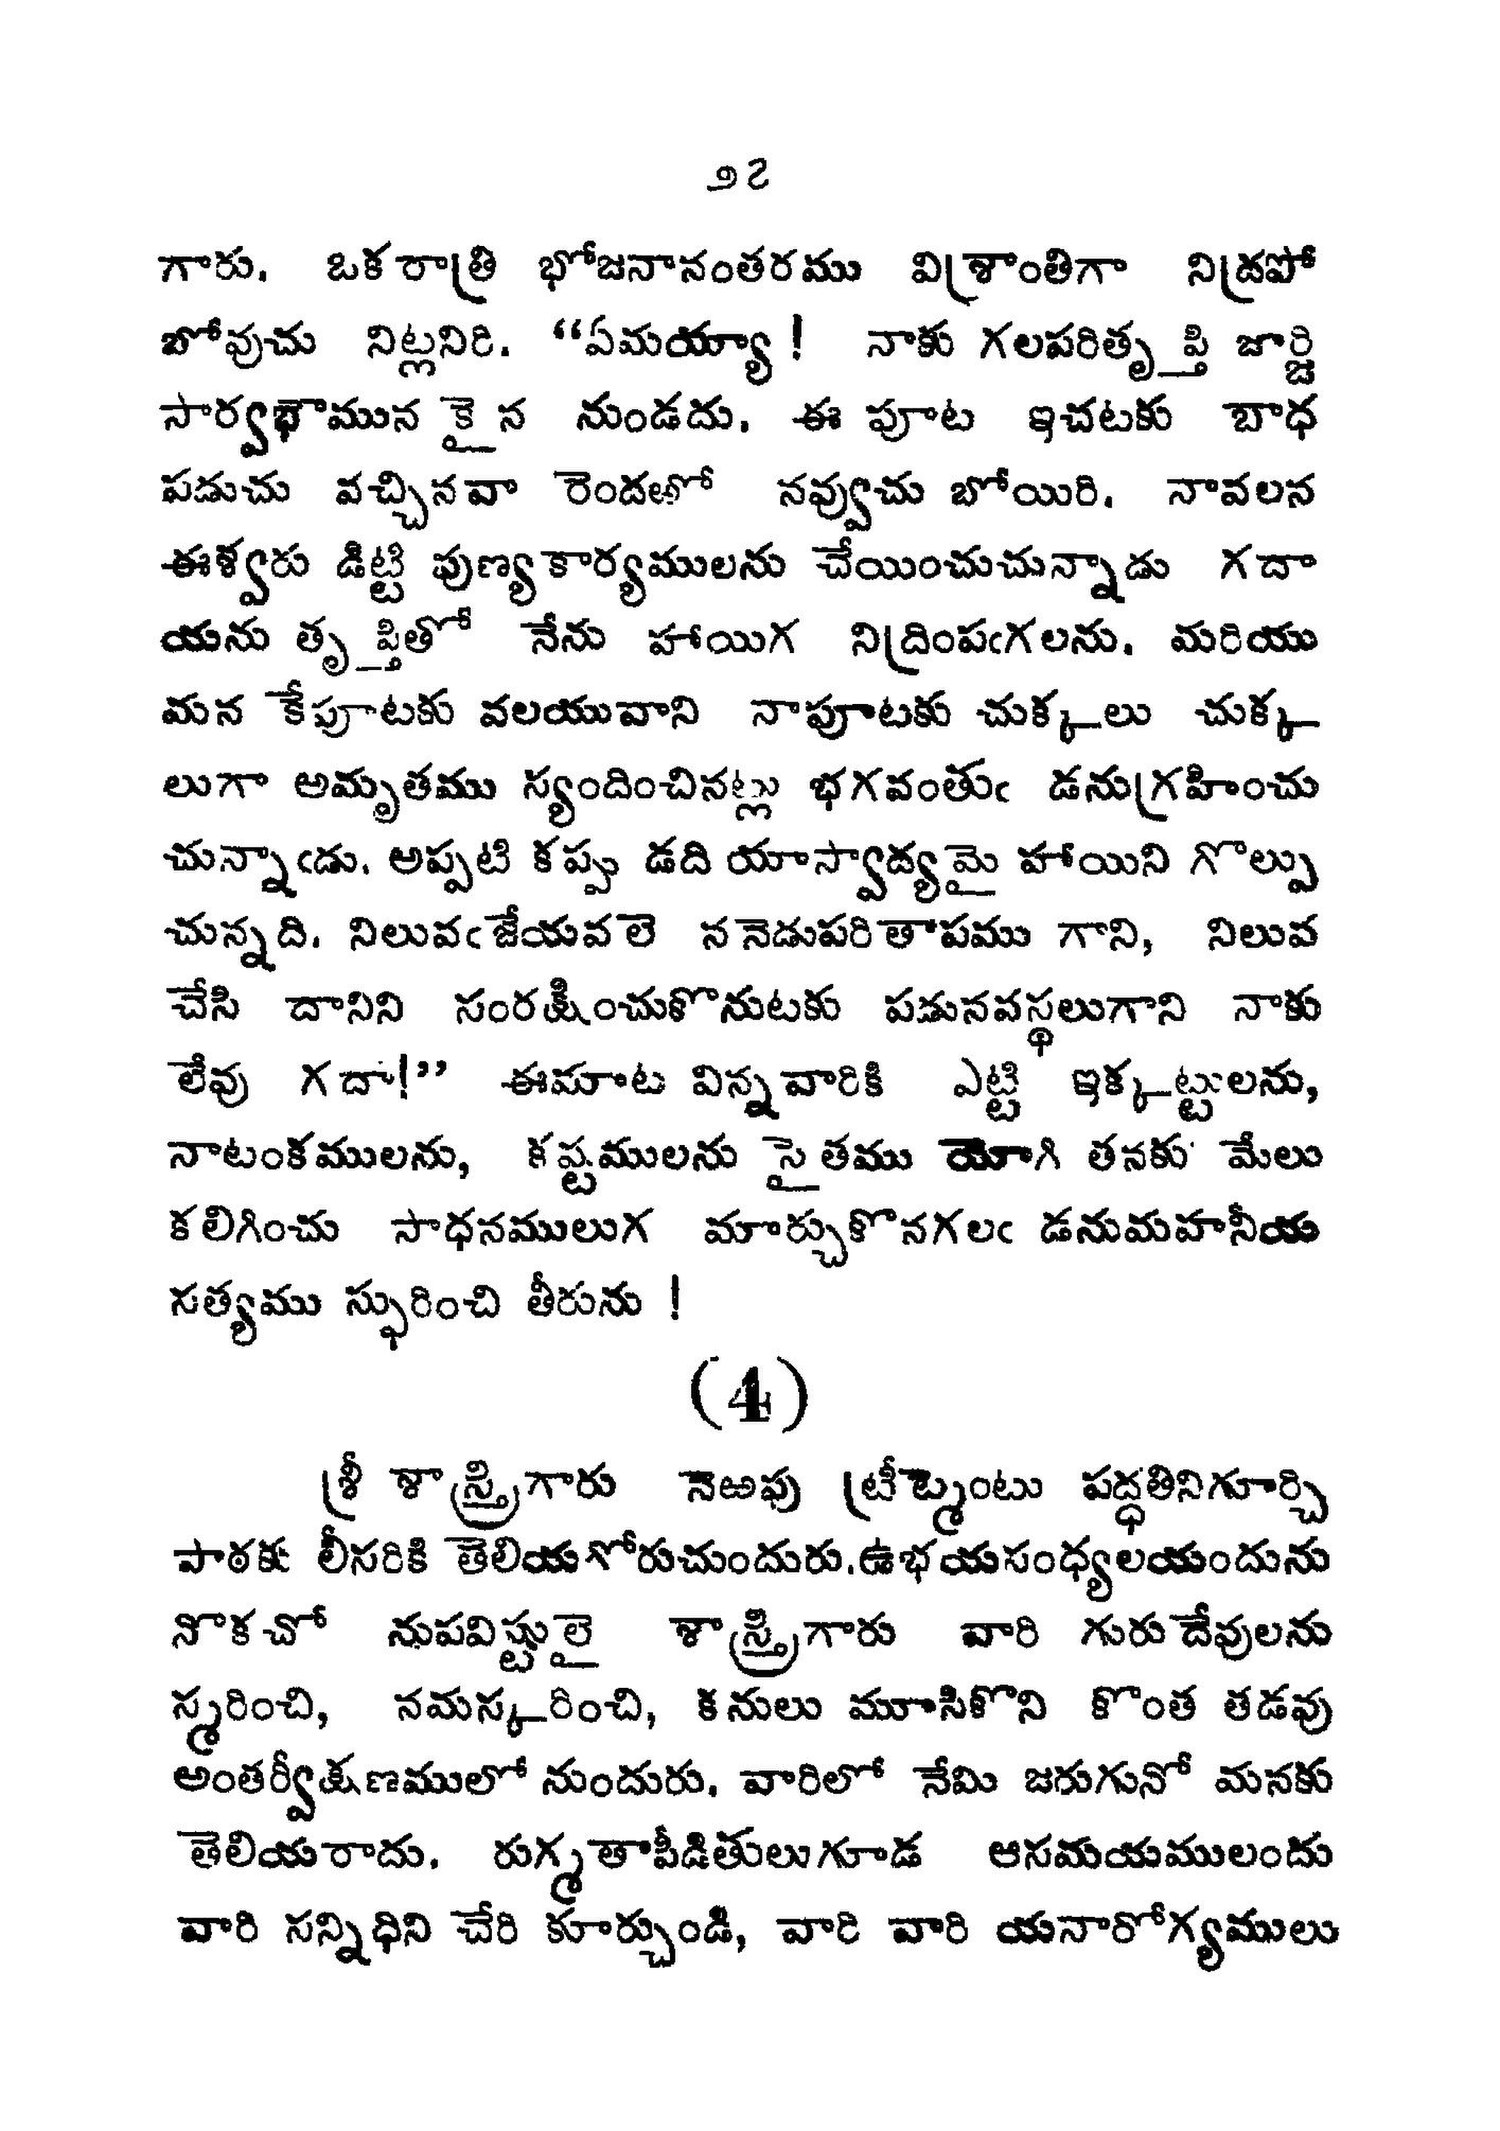గారు, ఒక రాత్రి భోజనానంతరము విశ్రాంతిగా నిద్రపోబోవుచు నిట్లనిరి.
"ఏమయ్యా! నాకు గలపరితృప్తి జార్జి సార్వభౌమునక్తెన నుండదు. ఈ పూట ఇచటకు బాధ పడుచు వచ్చినవా రెందరో నవ్వుచు బోయిరి నావలన ఈశ్వరుడిట్టి పుణ్యకార్యములను చేయించుచున్నాడు గదా యను తృప్తితో నేను హాయిగా నిద్రింపఁగలను. మరియు మన కేపూటకు వలయువాని నాపూటకు చుక్కలు చుక్కలుగా అమృతము స్యందించినట్లు భగవంతుఁ డనుగ్రహించు చున్నాఁడు. అప్పటికప్పడది యాస్యాద్యమ్తె హాయిని గొల్పు చున్నది. నిలువఁజేయువలె ననేపరితాపము గాని, నిలువచేసి దానిని సంరక్షించుకొనుటకు పడునవస్ధలుగాని నాకు లేవు గదా!" ఈ మాట విన్నవారికి ఎట్టి ఇక్కట్టులను, నాటంకములను, కష్టములను స్తెతము యోగి తనకు మేలు కలిగించు సాధనములుగ మార్చుకొనగలం డనుమహనీయ సత్యము స్పురించి తీరును!

 శ్రీ శాస్త్రిగారు నెఱపు ట్రీట్మెంటు పద్ధతినిగూర్చి పాఠకులుసరికి తెలియగోరుచుందురు. ఉభయసంధ్యల యందను నొకచో నుపవిష్టులై శాస్త్రిగారు వారు గురు దేవులను స్మరించి, నమస్కరించి, కనులు మూసికొని కొంత తడవు అతర్విక్షణములో నుందురు. వారిలో నేమి జరుగునో మనకు తెలియరాదు. రుగ్మతాపీడితులుగూడ ఆ సమయములందు వారి సన్నిధిని చేరి కూర్చుండి, వారి వారి యనారోగ్యములు